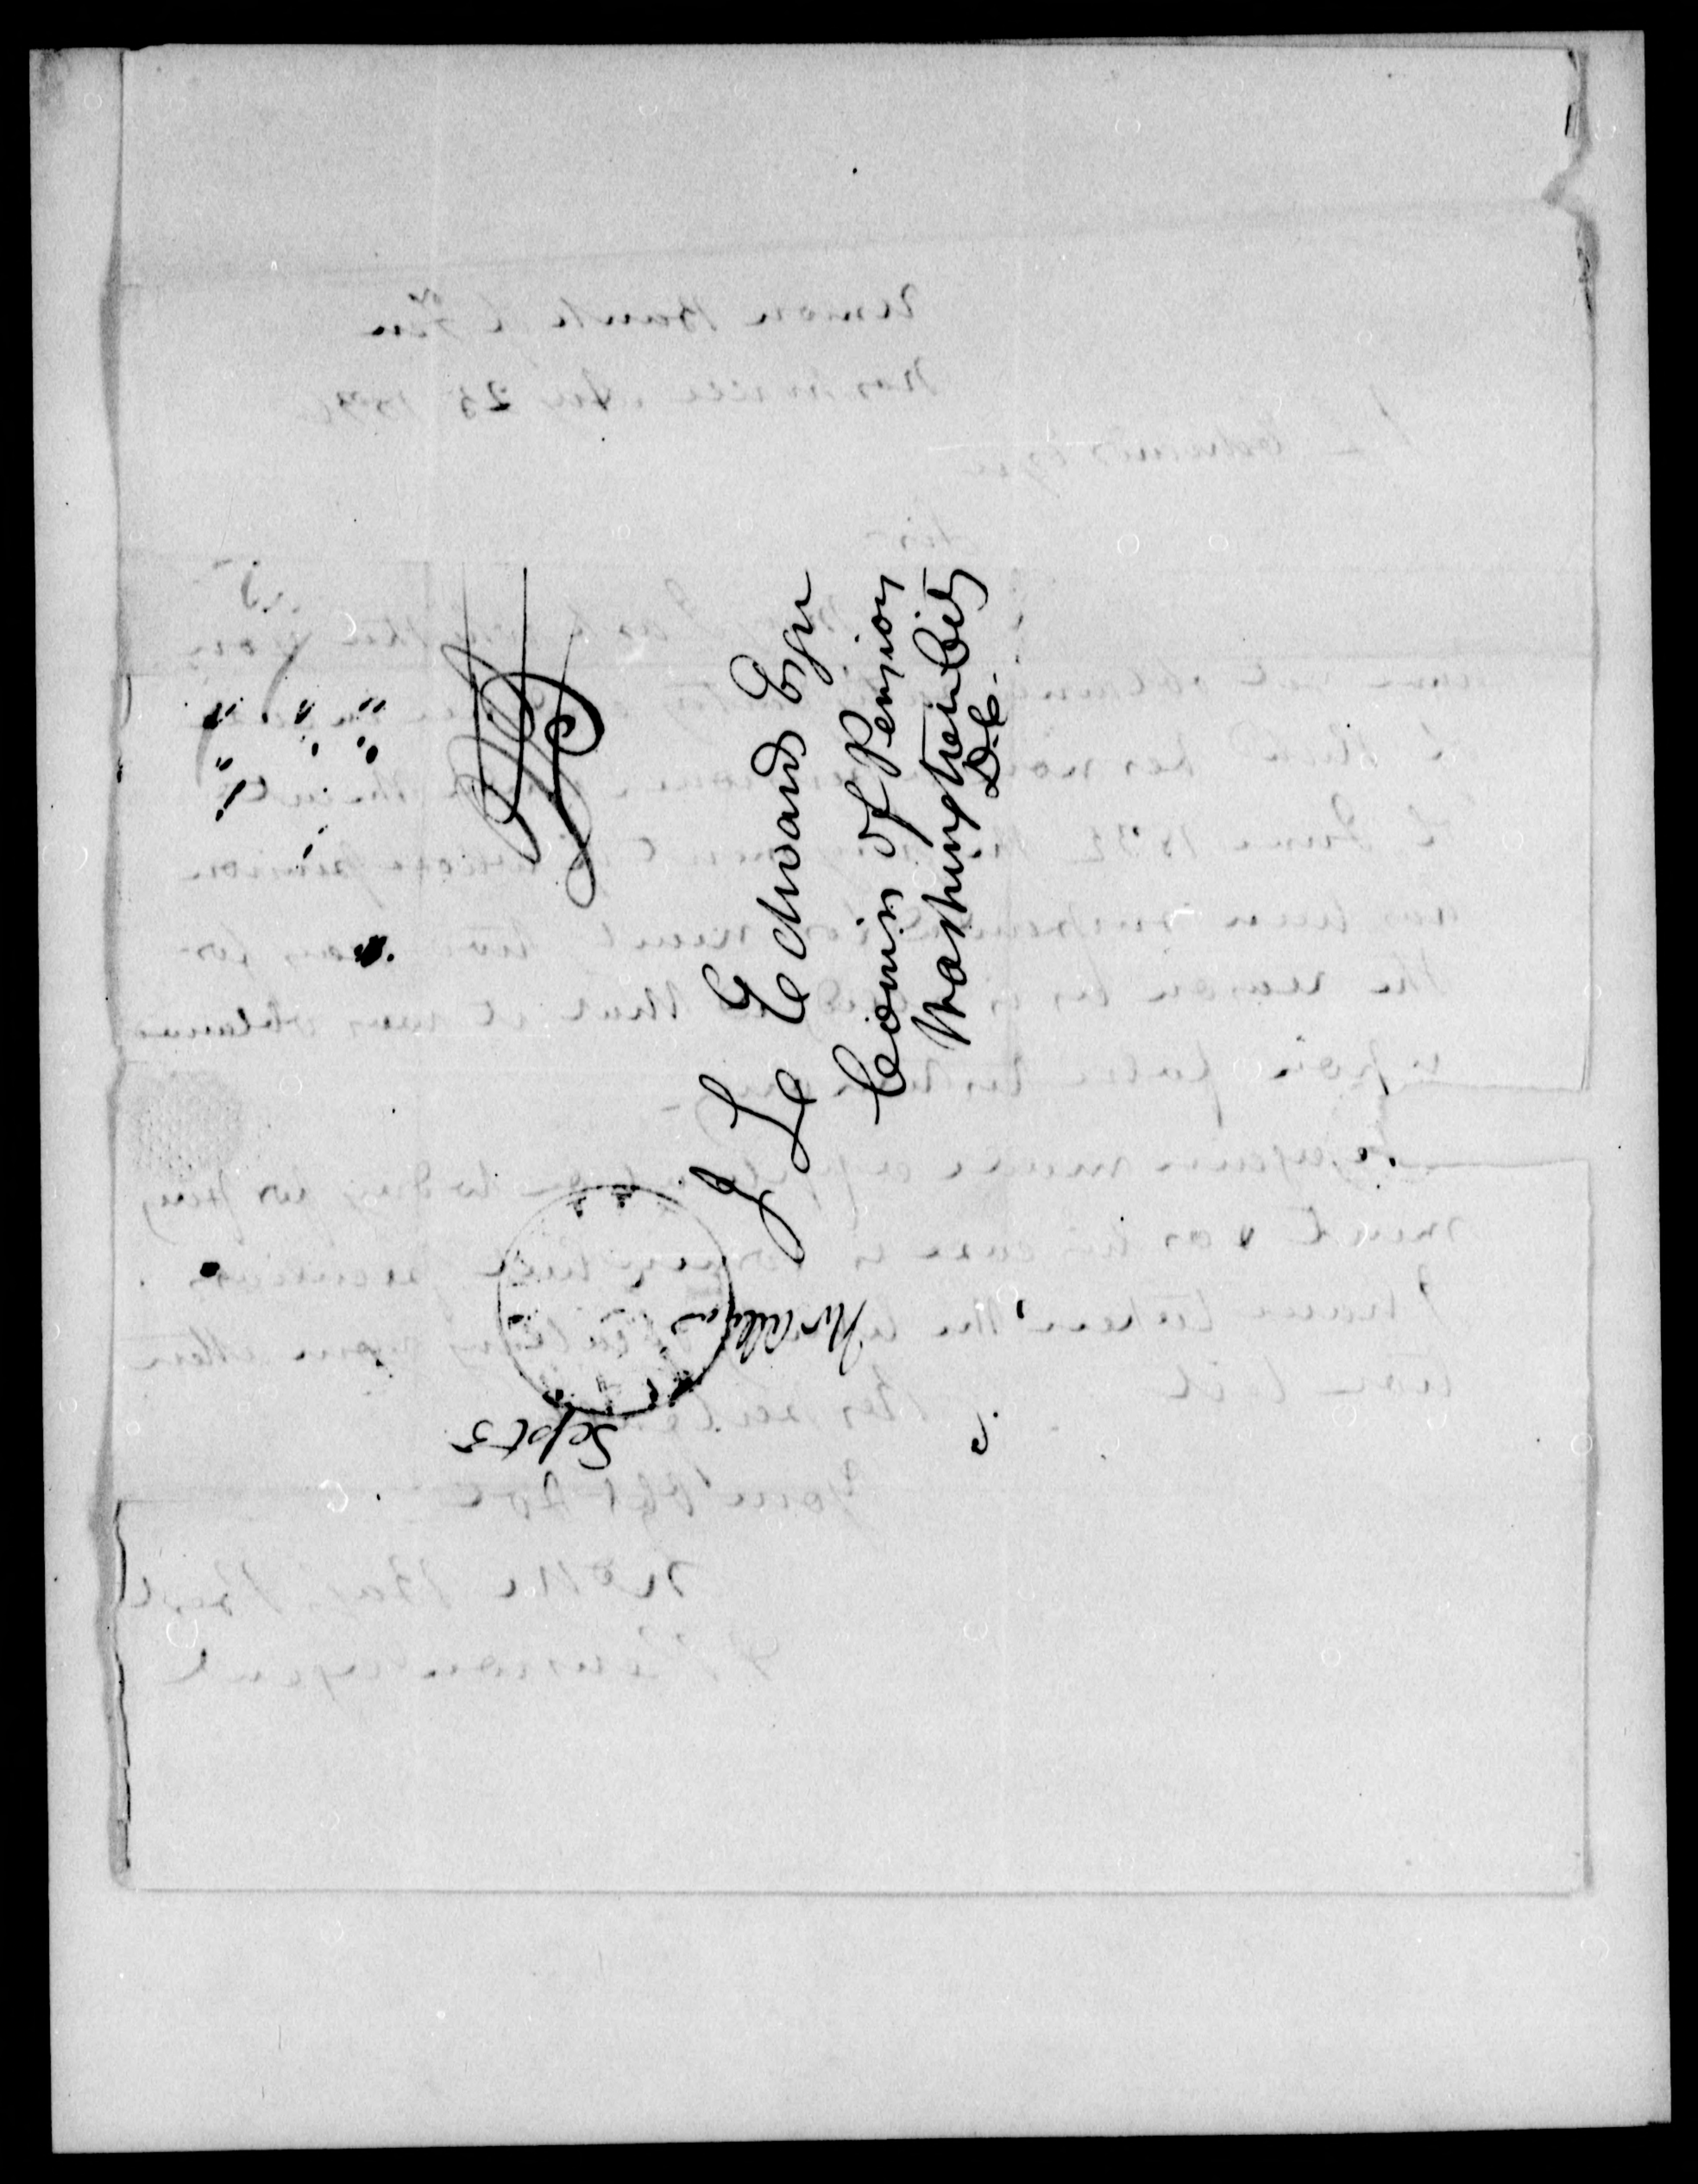Sept 5
[illegible]
[circular stamp]
J L Edwards Esqr
Comis of Pensions
Washington City
DC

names: J L Edwards, Allison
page: 68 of 105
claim: survivor's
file: S. 1883, Richard Vernon, N.C.